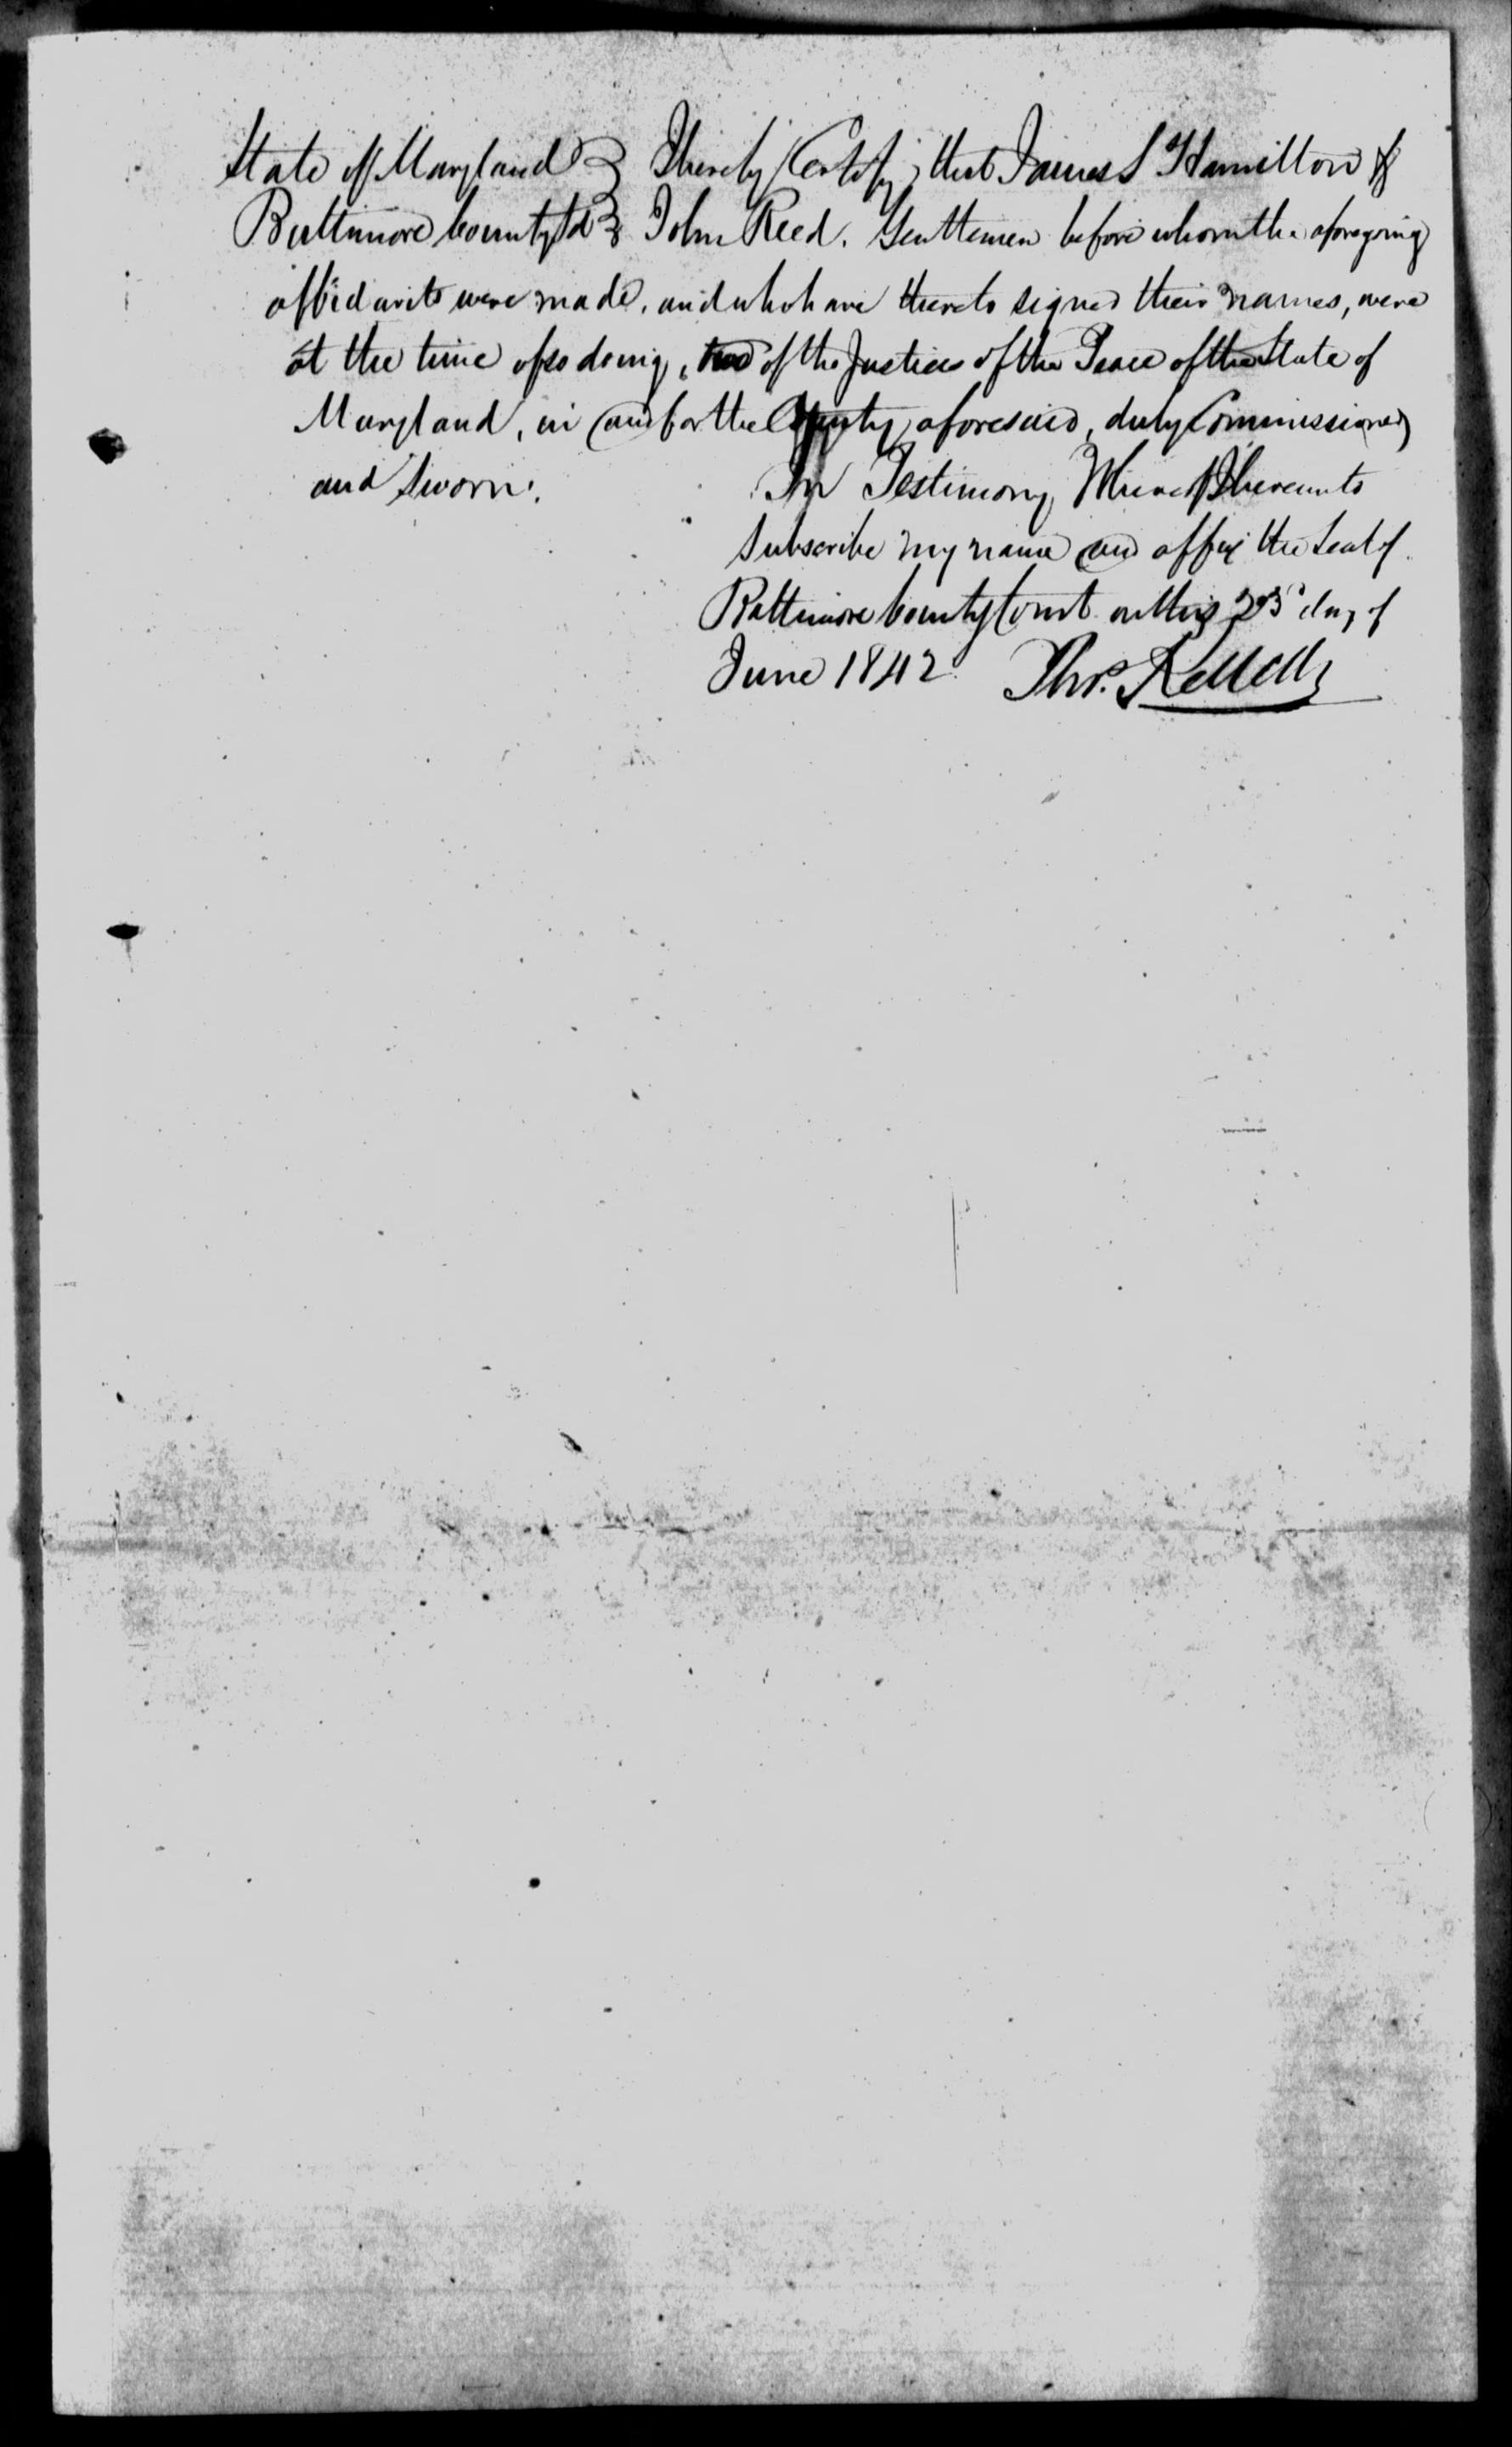State of Maryland
Baltimore County Sct ⎬ 
I hereby certify that James S Hamilton &John Reed Gentleman before whom the aforegoing [foregoing] affidavits were made, and who have thereto signed their names, were at the time of so doing, two of the Justices of the Peace of the State of
Maryland, in and for the County aforesaid, duly commissioned and Sworn.
In Testimony Whereof I hereunto Subscribe my name and affix the seal of Baltimore County Court on this 23 day of June 1842
Thos [Thomas] Kelly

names: Thos Kellon, John Reed, James S Hamilton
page: 17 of 43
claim: survivor's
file: S. 15240, Thomas White, Md.